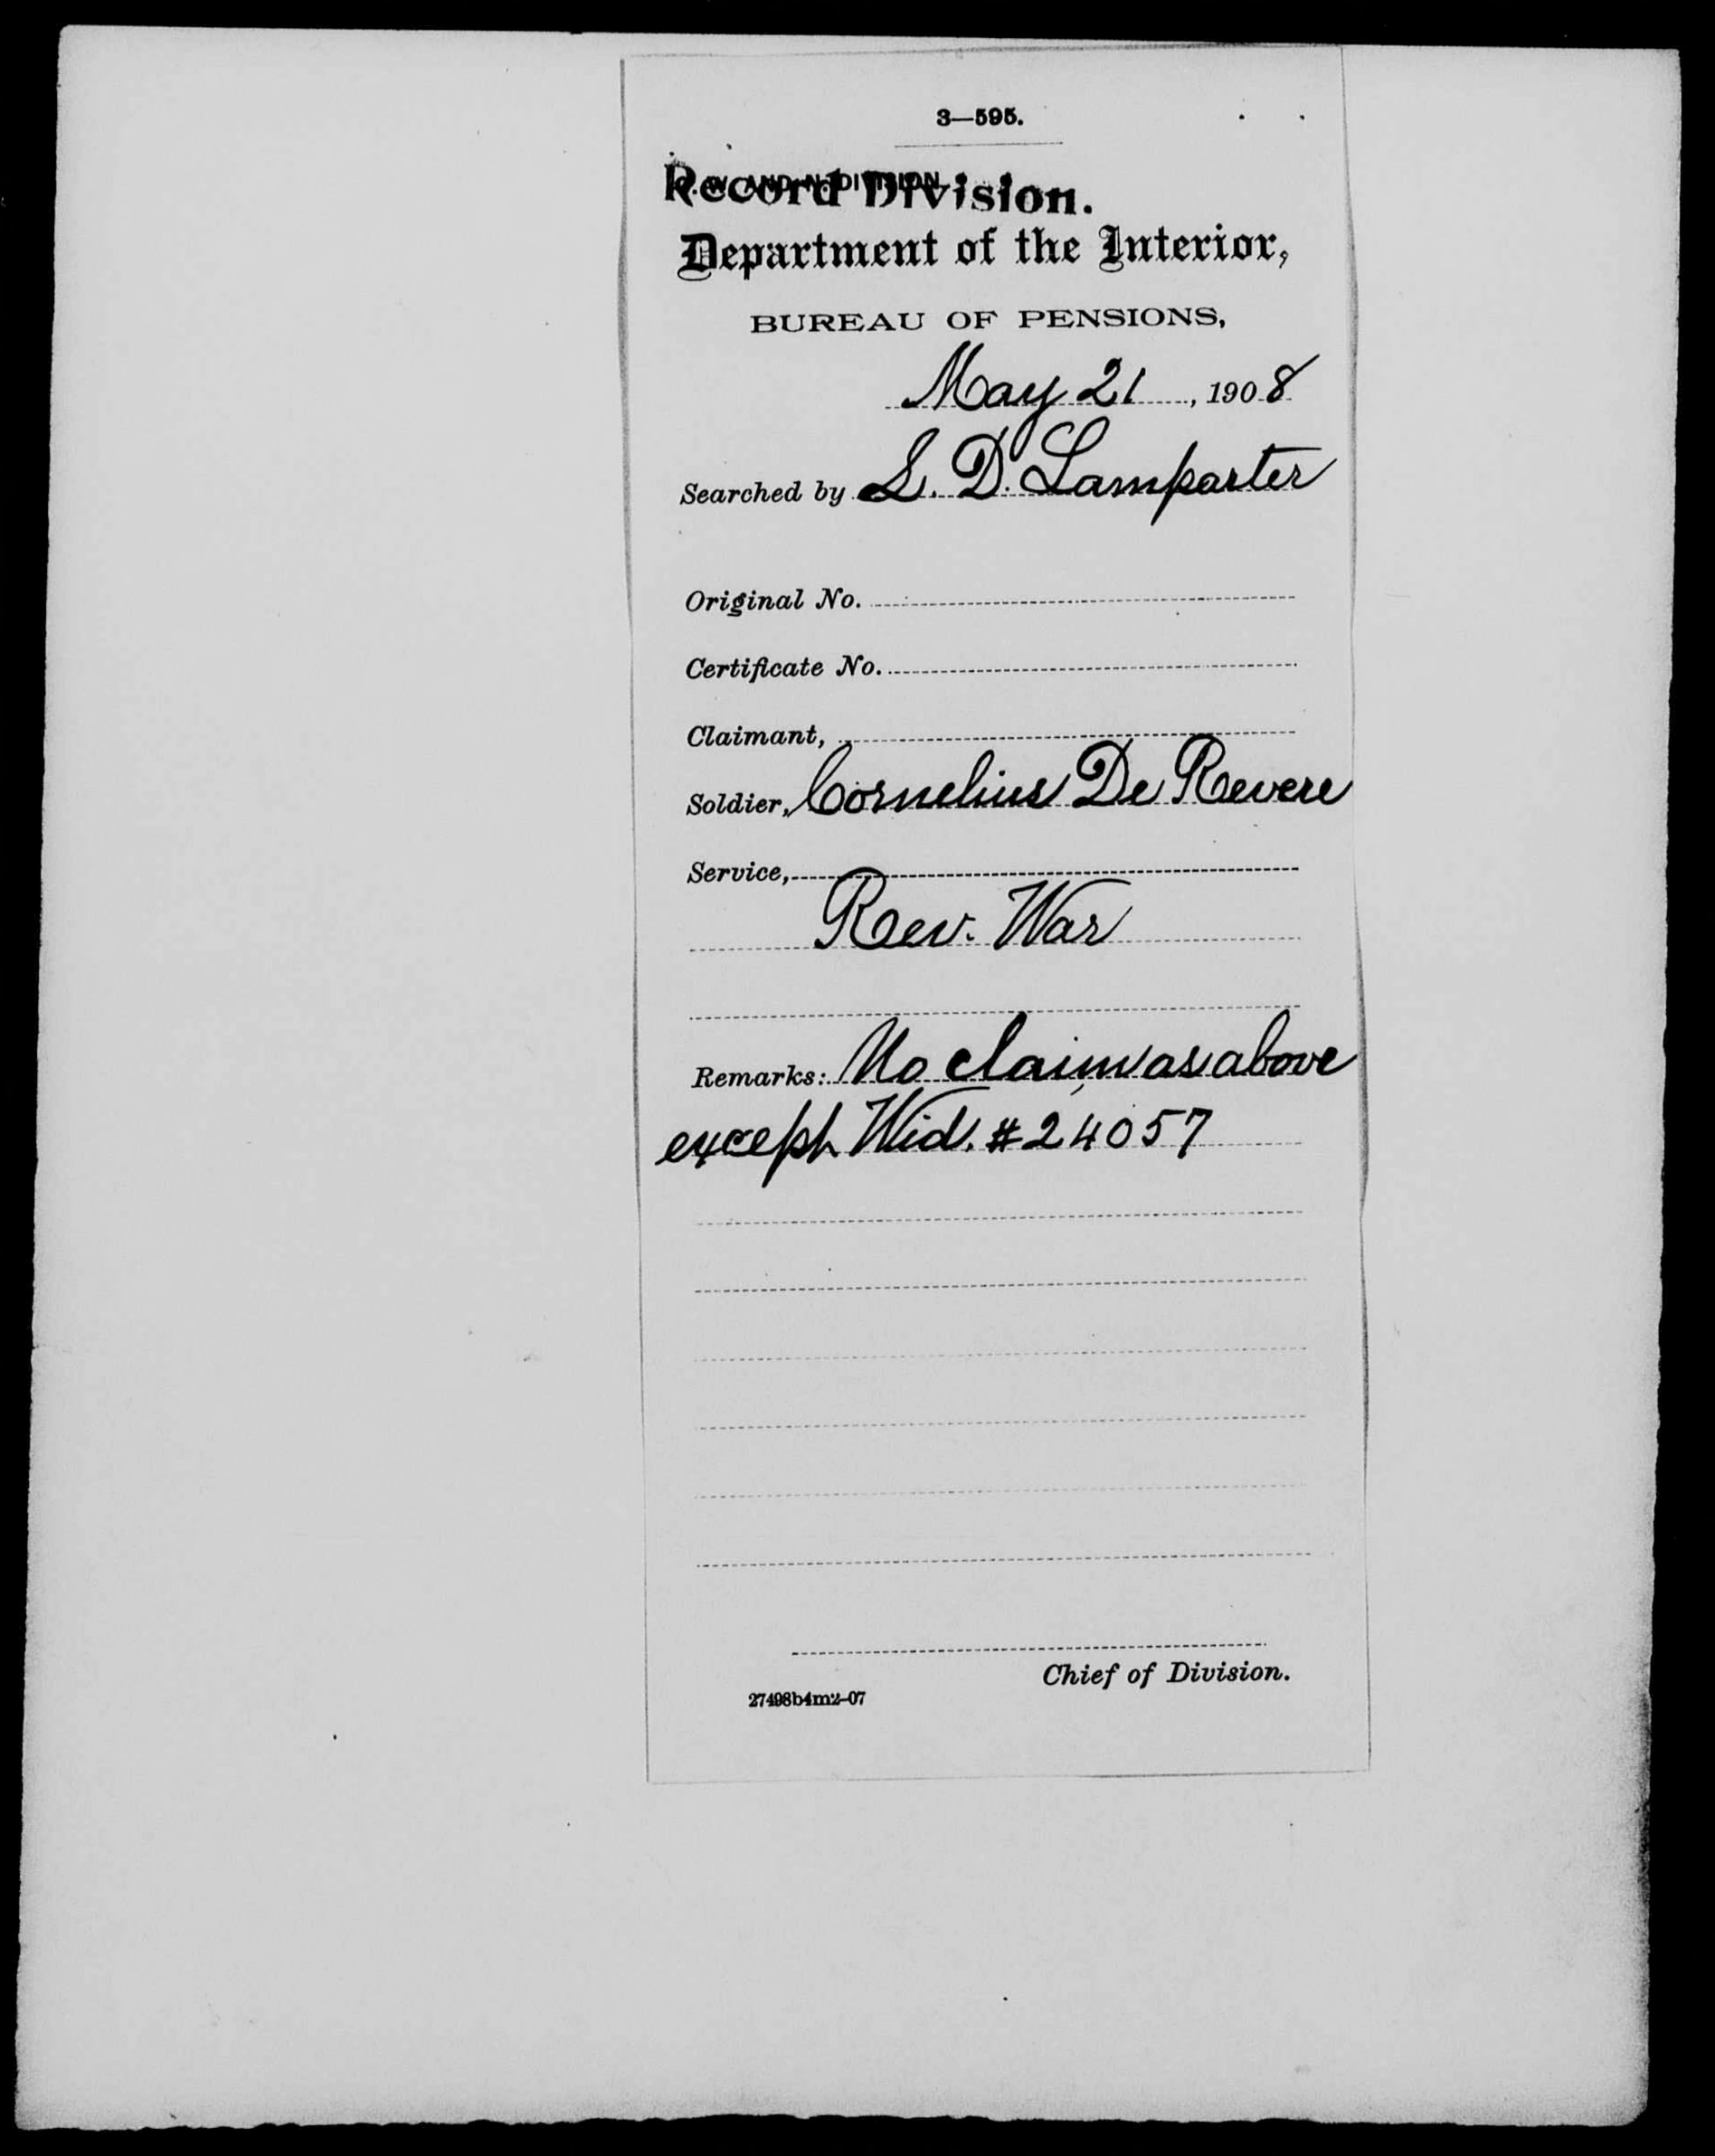3 -- 595
Record Division.
Department of the Interior,
BUREAU OF PENSIONS,
May 21, 1908.
Searched by S. D. Lamparter
Original No.
Certificate No.
Claimant,
Soldier, Cornelius De Revere
Service, Rev. War
Remarks: No claim as above except Wid. #24057
Chief of Division.
27498b4m2-07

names: L D Lamparter, Cornelius De Revere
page: 12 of 40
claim: widow's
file: W. 24057, Cornelius De Revere, New York